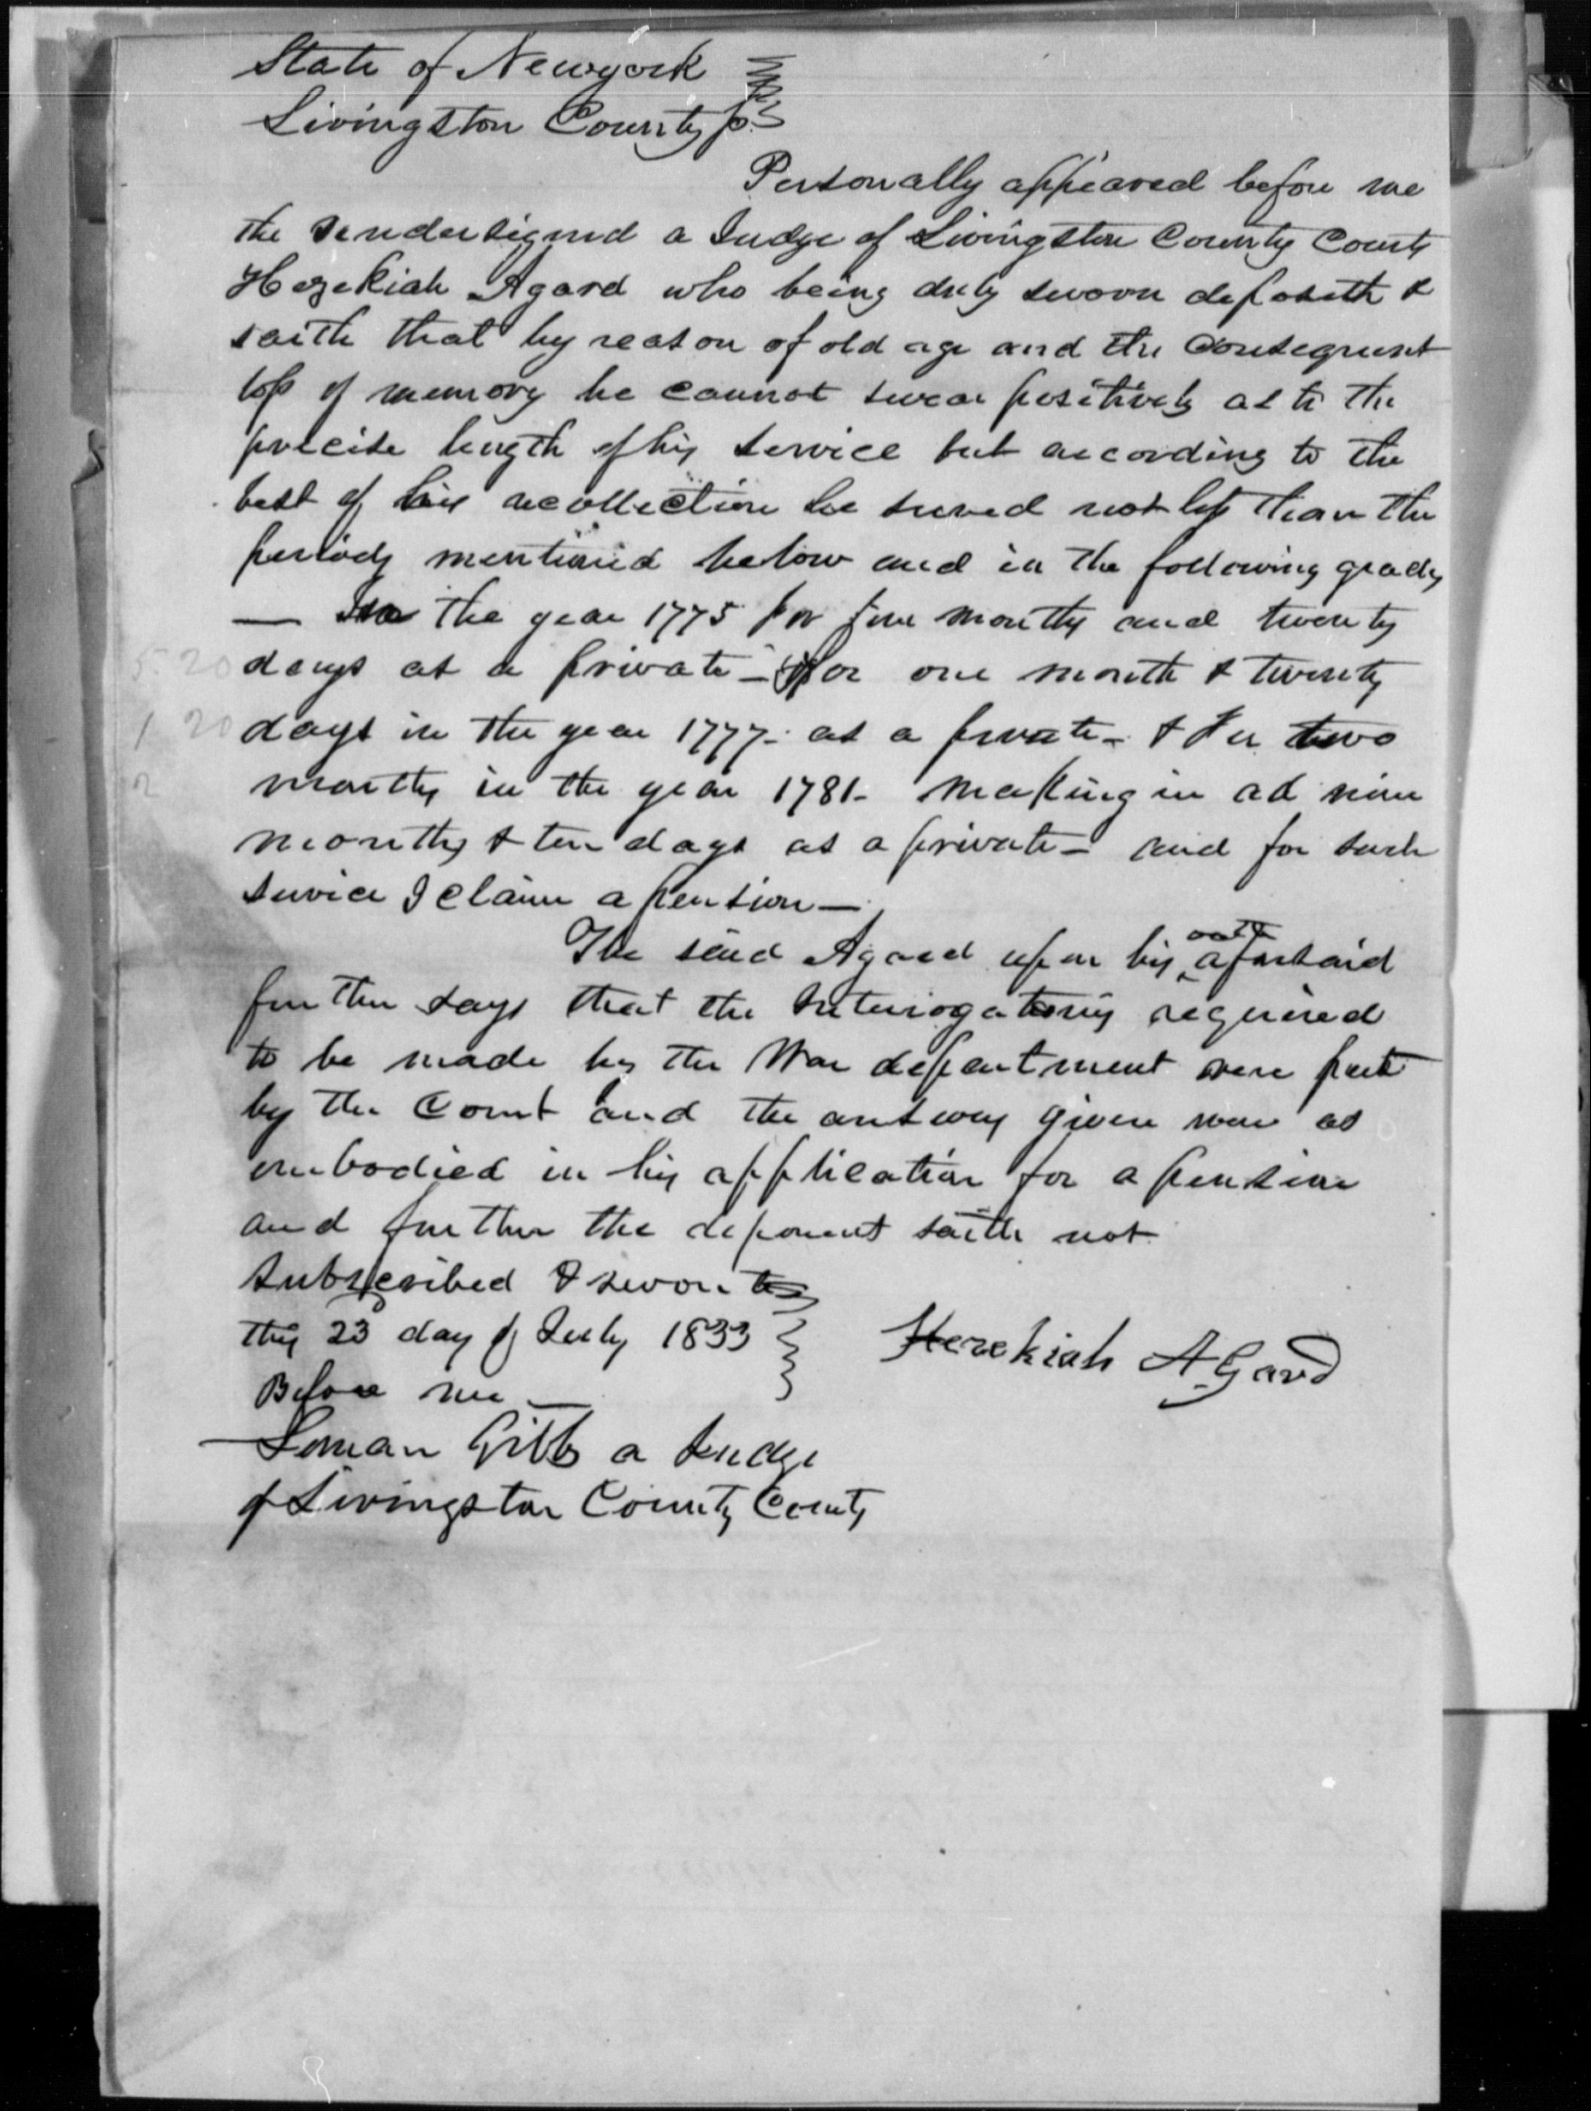State of Newyork
Livingston County
Personally appeared before me
the undersigned a Judge of Livingston County Court
Hezekiah Agard who being duly sworn deposeth &
saith that by reason of old age and the consequent
loss of memory he cannot swear positively as to the
precise length of his service but according to the
best of his recollection he served not less than the
periods mentioned below and in the following grades
In the year 1775 for five months and twenty
days as a private - for one month & twenty
days in the year 1777 as a private - for two
months in the year 1781- making in all nine
month & ten days as a private - and for such
service I claim a pension
The said Agard upon his oath aforesaid
for the days that the interrogatories required
to be made by the War department were put
by the Court and the answers given were as
embodied in his application for a pension
and further the deponent saith not
Subscribed & sworn to
this 23 day of July 1833
Before me
Leman Gibbs a Judge
Herekiah Agard
of Livingston County Court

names: Hezekiah Agard, Hezekiah Agard, Agard, Leman Gibbs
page: 8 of 19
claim: survivor's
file: S. 23,092, Hezekiah Agard, Conn.